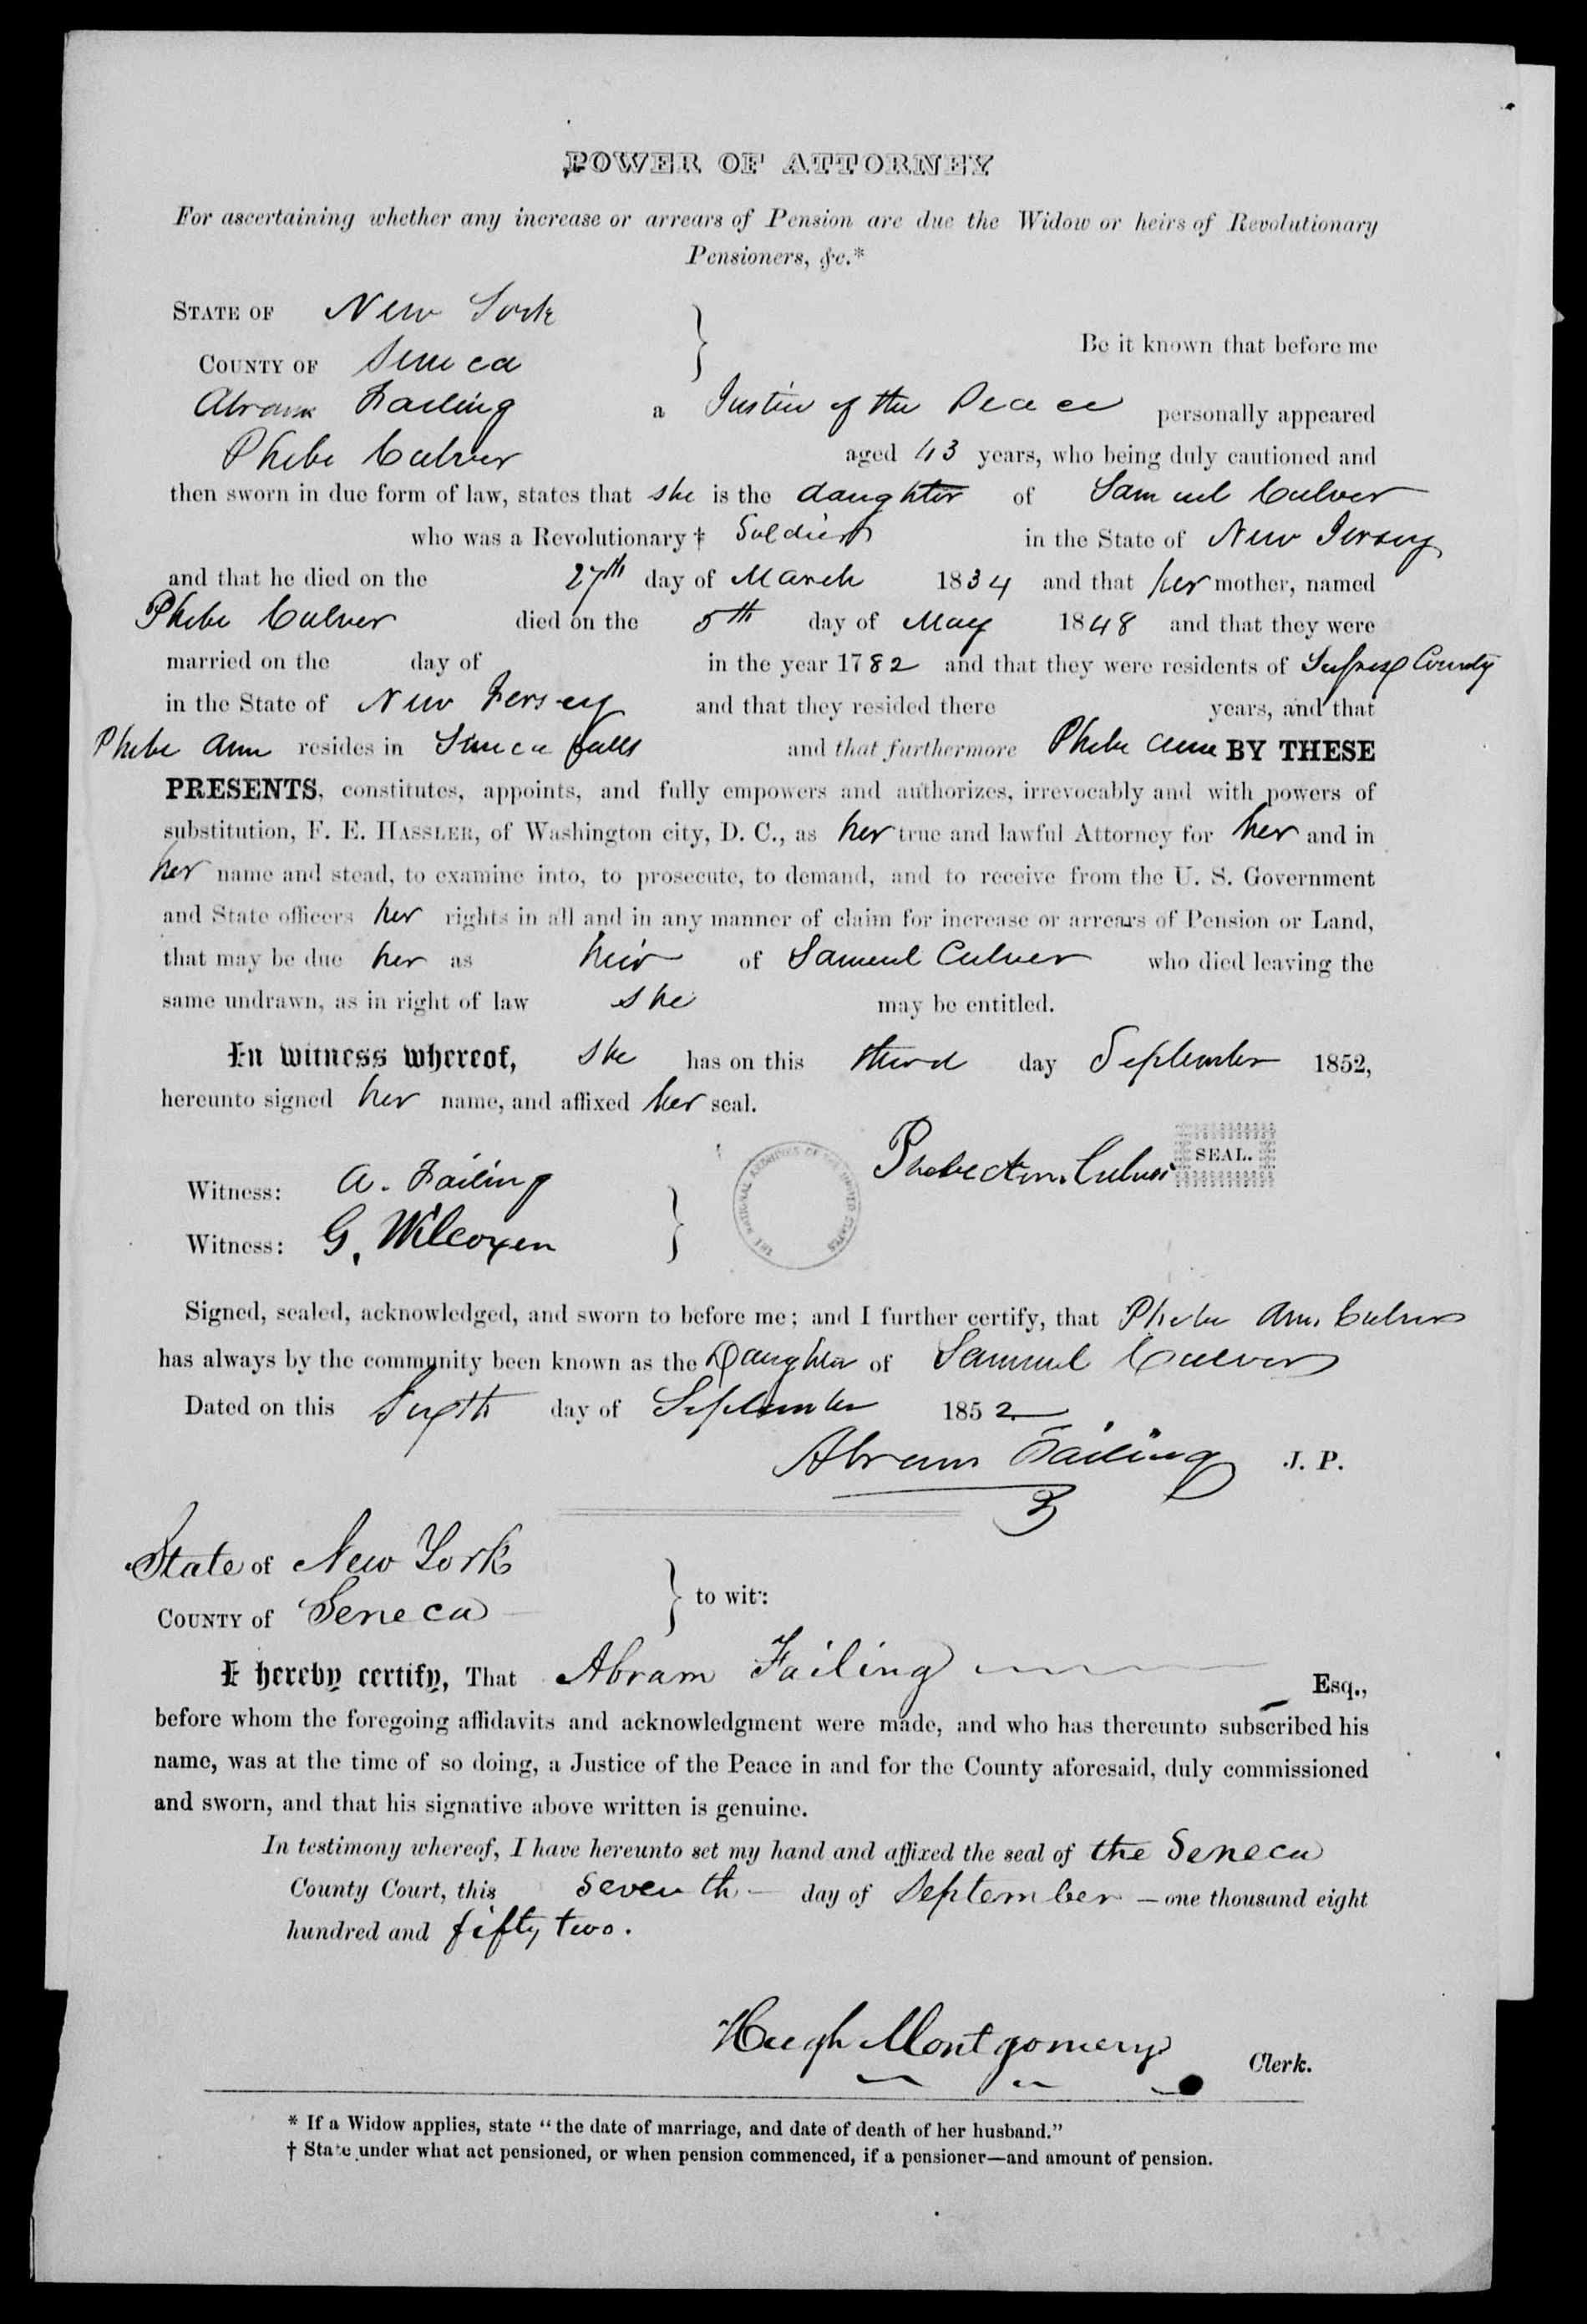Power  of Attorney

For ascertaining whether any increase or arrears of Pension are due the Widow or heirs of Revolutionary Pensioners, etc.*

State of New York
County of Seneca		Bet it known that before me
Abraham Failing a Justice of the Peace personally appeared
Phebe Culver aged 63 years, who being duly cautioned and 
then sworn in due form of law, states that she is the daughter of Samuel Culver
who was a Revolutionary soldier in the State of New jersey
and that he died on the 27th day of March 1834 and that her mother, named
Phede Culver died on the 5th day of May 1848 and that they were
Married on the      day of       in the year 1782 and that they were 
In the State of New Jersey and that they resided there for     years, and that
Phebe Ann resides in Seneca Falls and that furthermore Phebe Ann BY THESE
PRESENTS, constitutes, appoints, and fully empowers and authorizes, irrevocably and with powers of substitution, F.E. Hassler, of Washington city, D.C., as her true and lawful Attorney for her and in her name and stead, to examine into, to prosecute, to demand and to receive from the U.S. Government and State officers her rights in all and in any manner of claim for increase or arrears of Pension or Land, that may be due her as heir of Samuel Culver who died leaving the same undrawn, as in right of law she may be entitled.

     IN WITNESS WHEREOF, she has on this third day September 1852, hereunto signed her name and affixed her seal.

Witness:  A. Failing		The National Archives of the United States [seal]

Witness G. Wilcoxen		Phebe Ann Culver                    Seal.[stamp]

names: Phebe Ann Culver, Samuel Culver, Phebe Ann, Phebe Culver, Abram Failing, Abram Failing, Phebe Ann, Samuel Culver, A Failing, Phebe Culver, Hugh Montgomery, G Wilcoxen, F E Hassler, Phebe Ann Culver, Abram Failing, Samuel Culver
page: 5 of 40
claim: rejected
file: R. 1,570, Samuel Culver, New Jersey